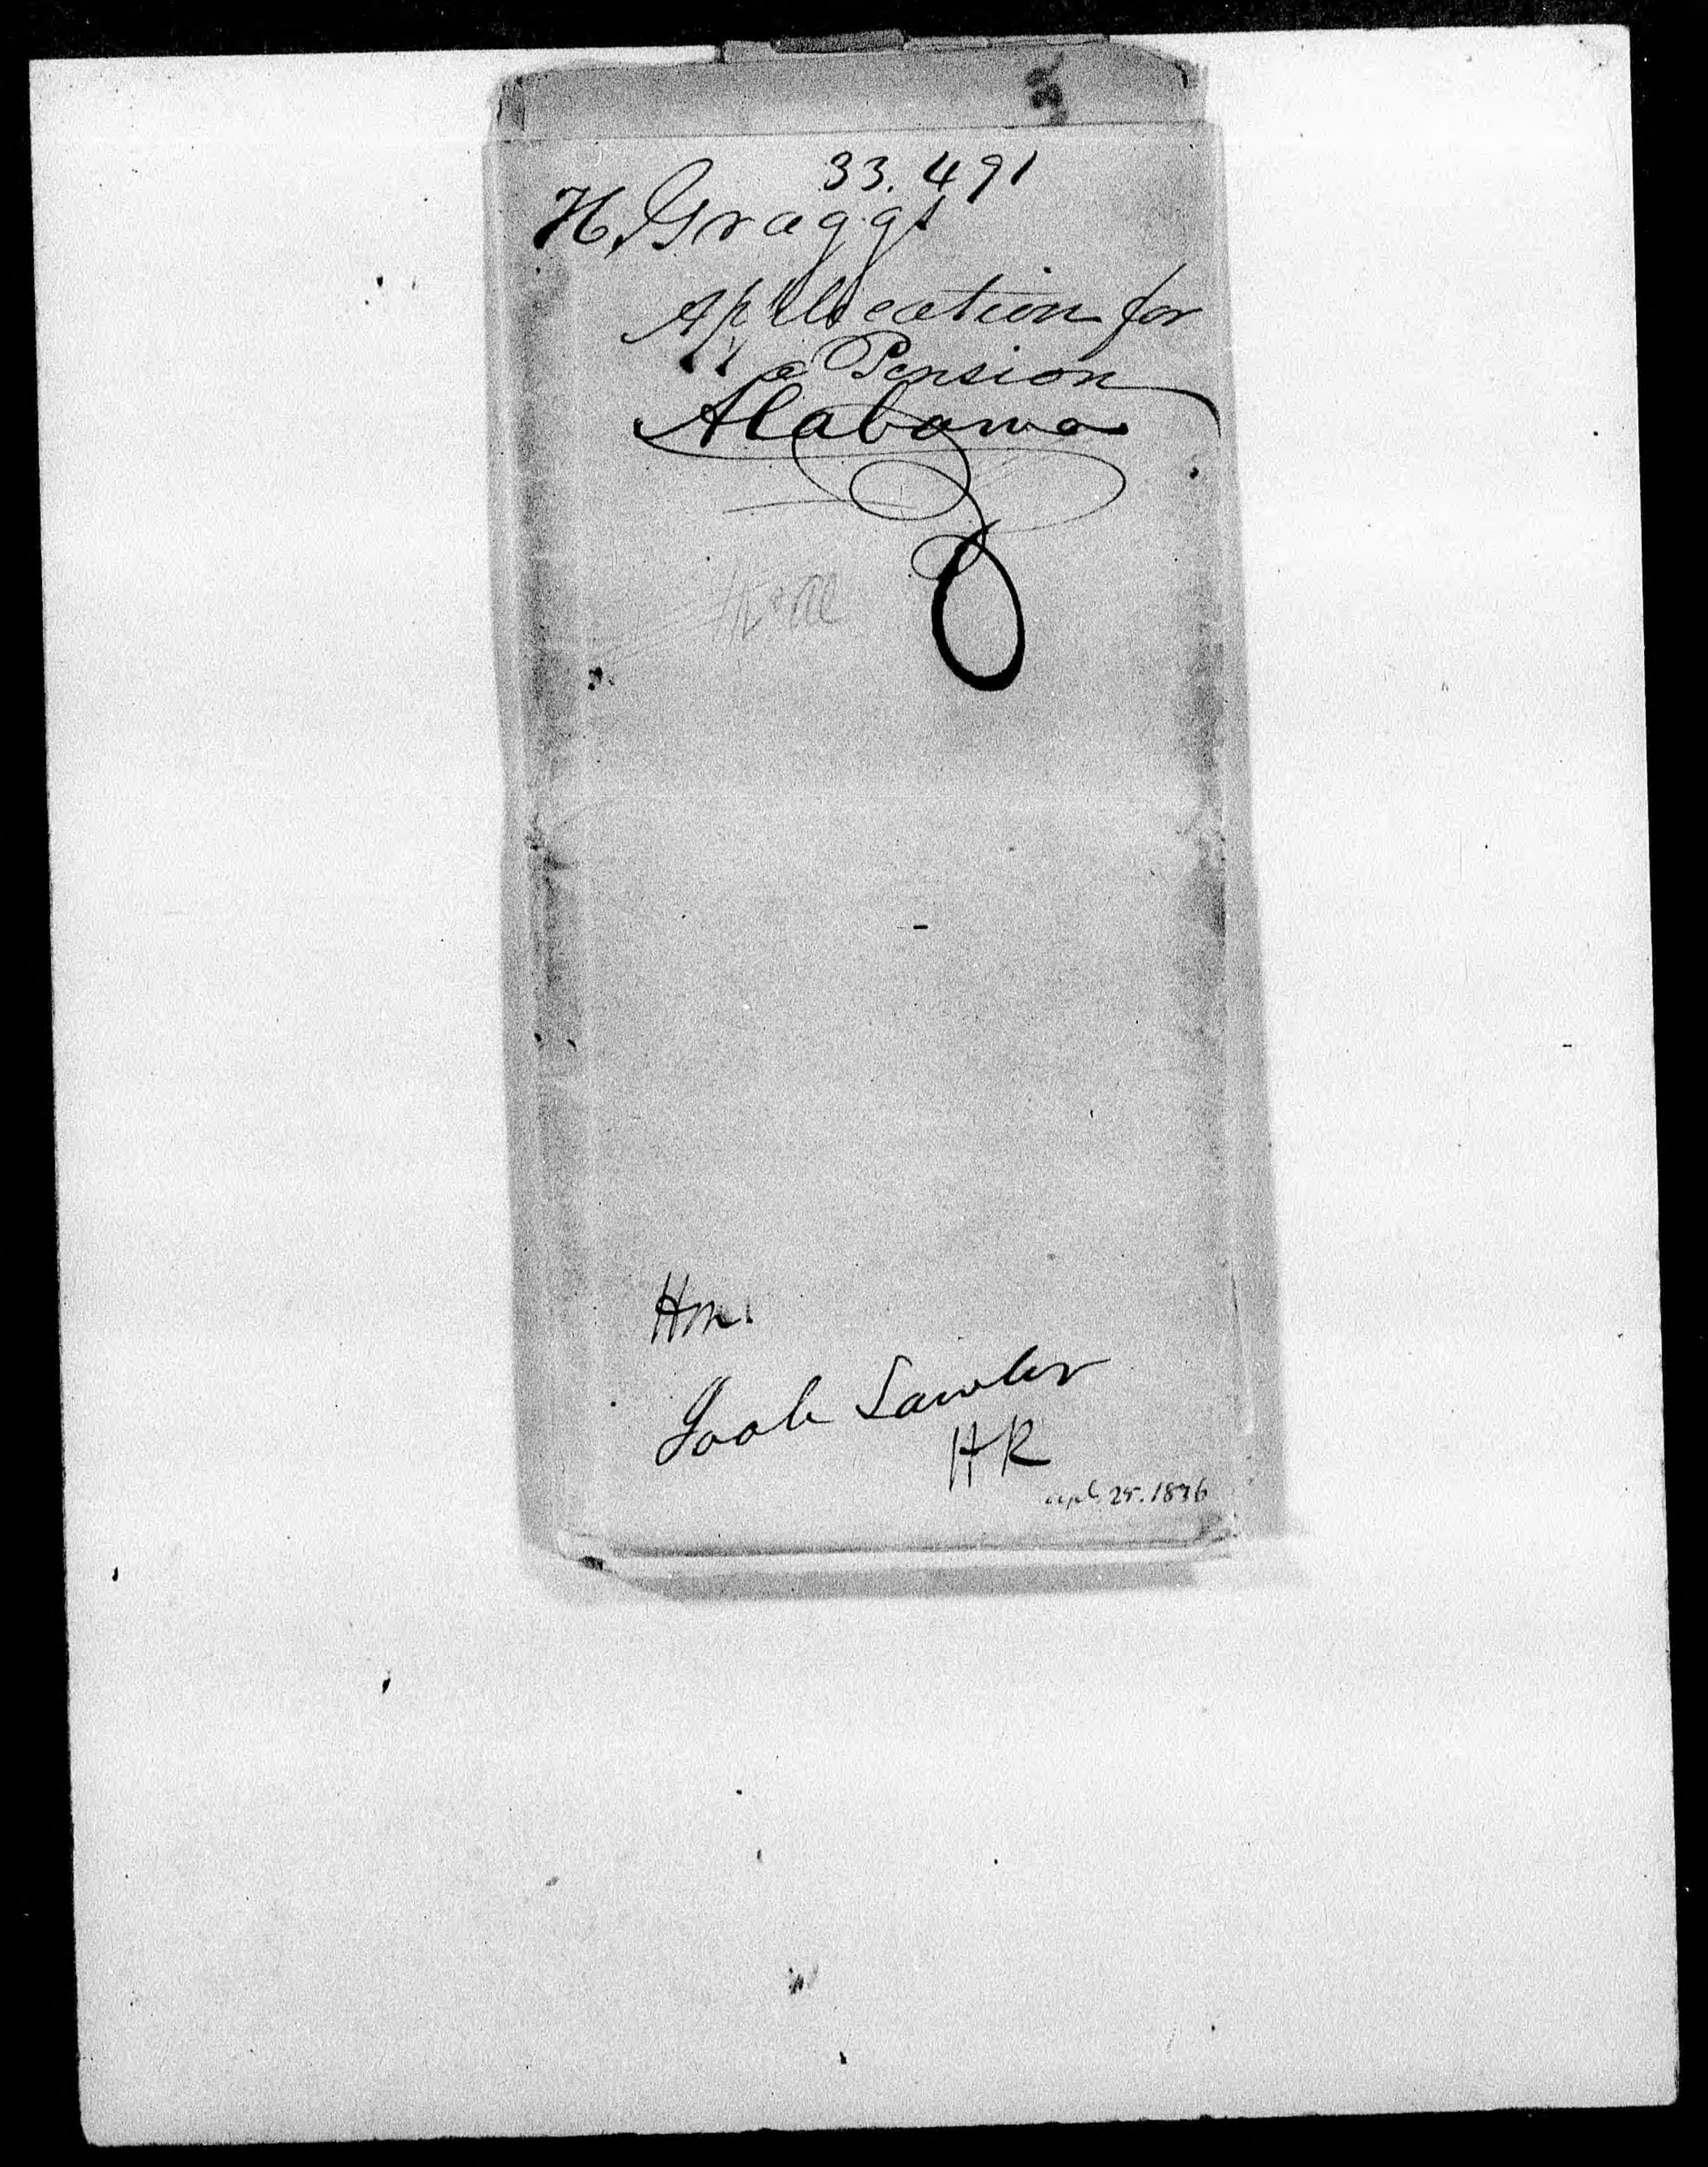33.491
H Graggs

Application for
a  pension
Alabama


Hm

Joab Lawler
HR
Apl 25.1836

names: H Gragg, Joab Lawler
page: 11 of 18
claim: survivor's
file: S. 10,773, Henry Gragg, S.C.